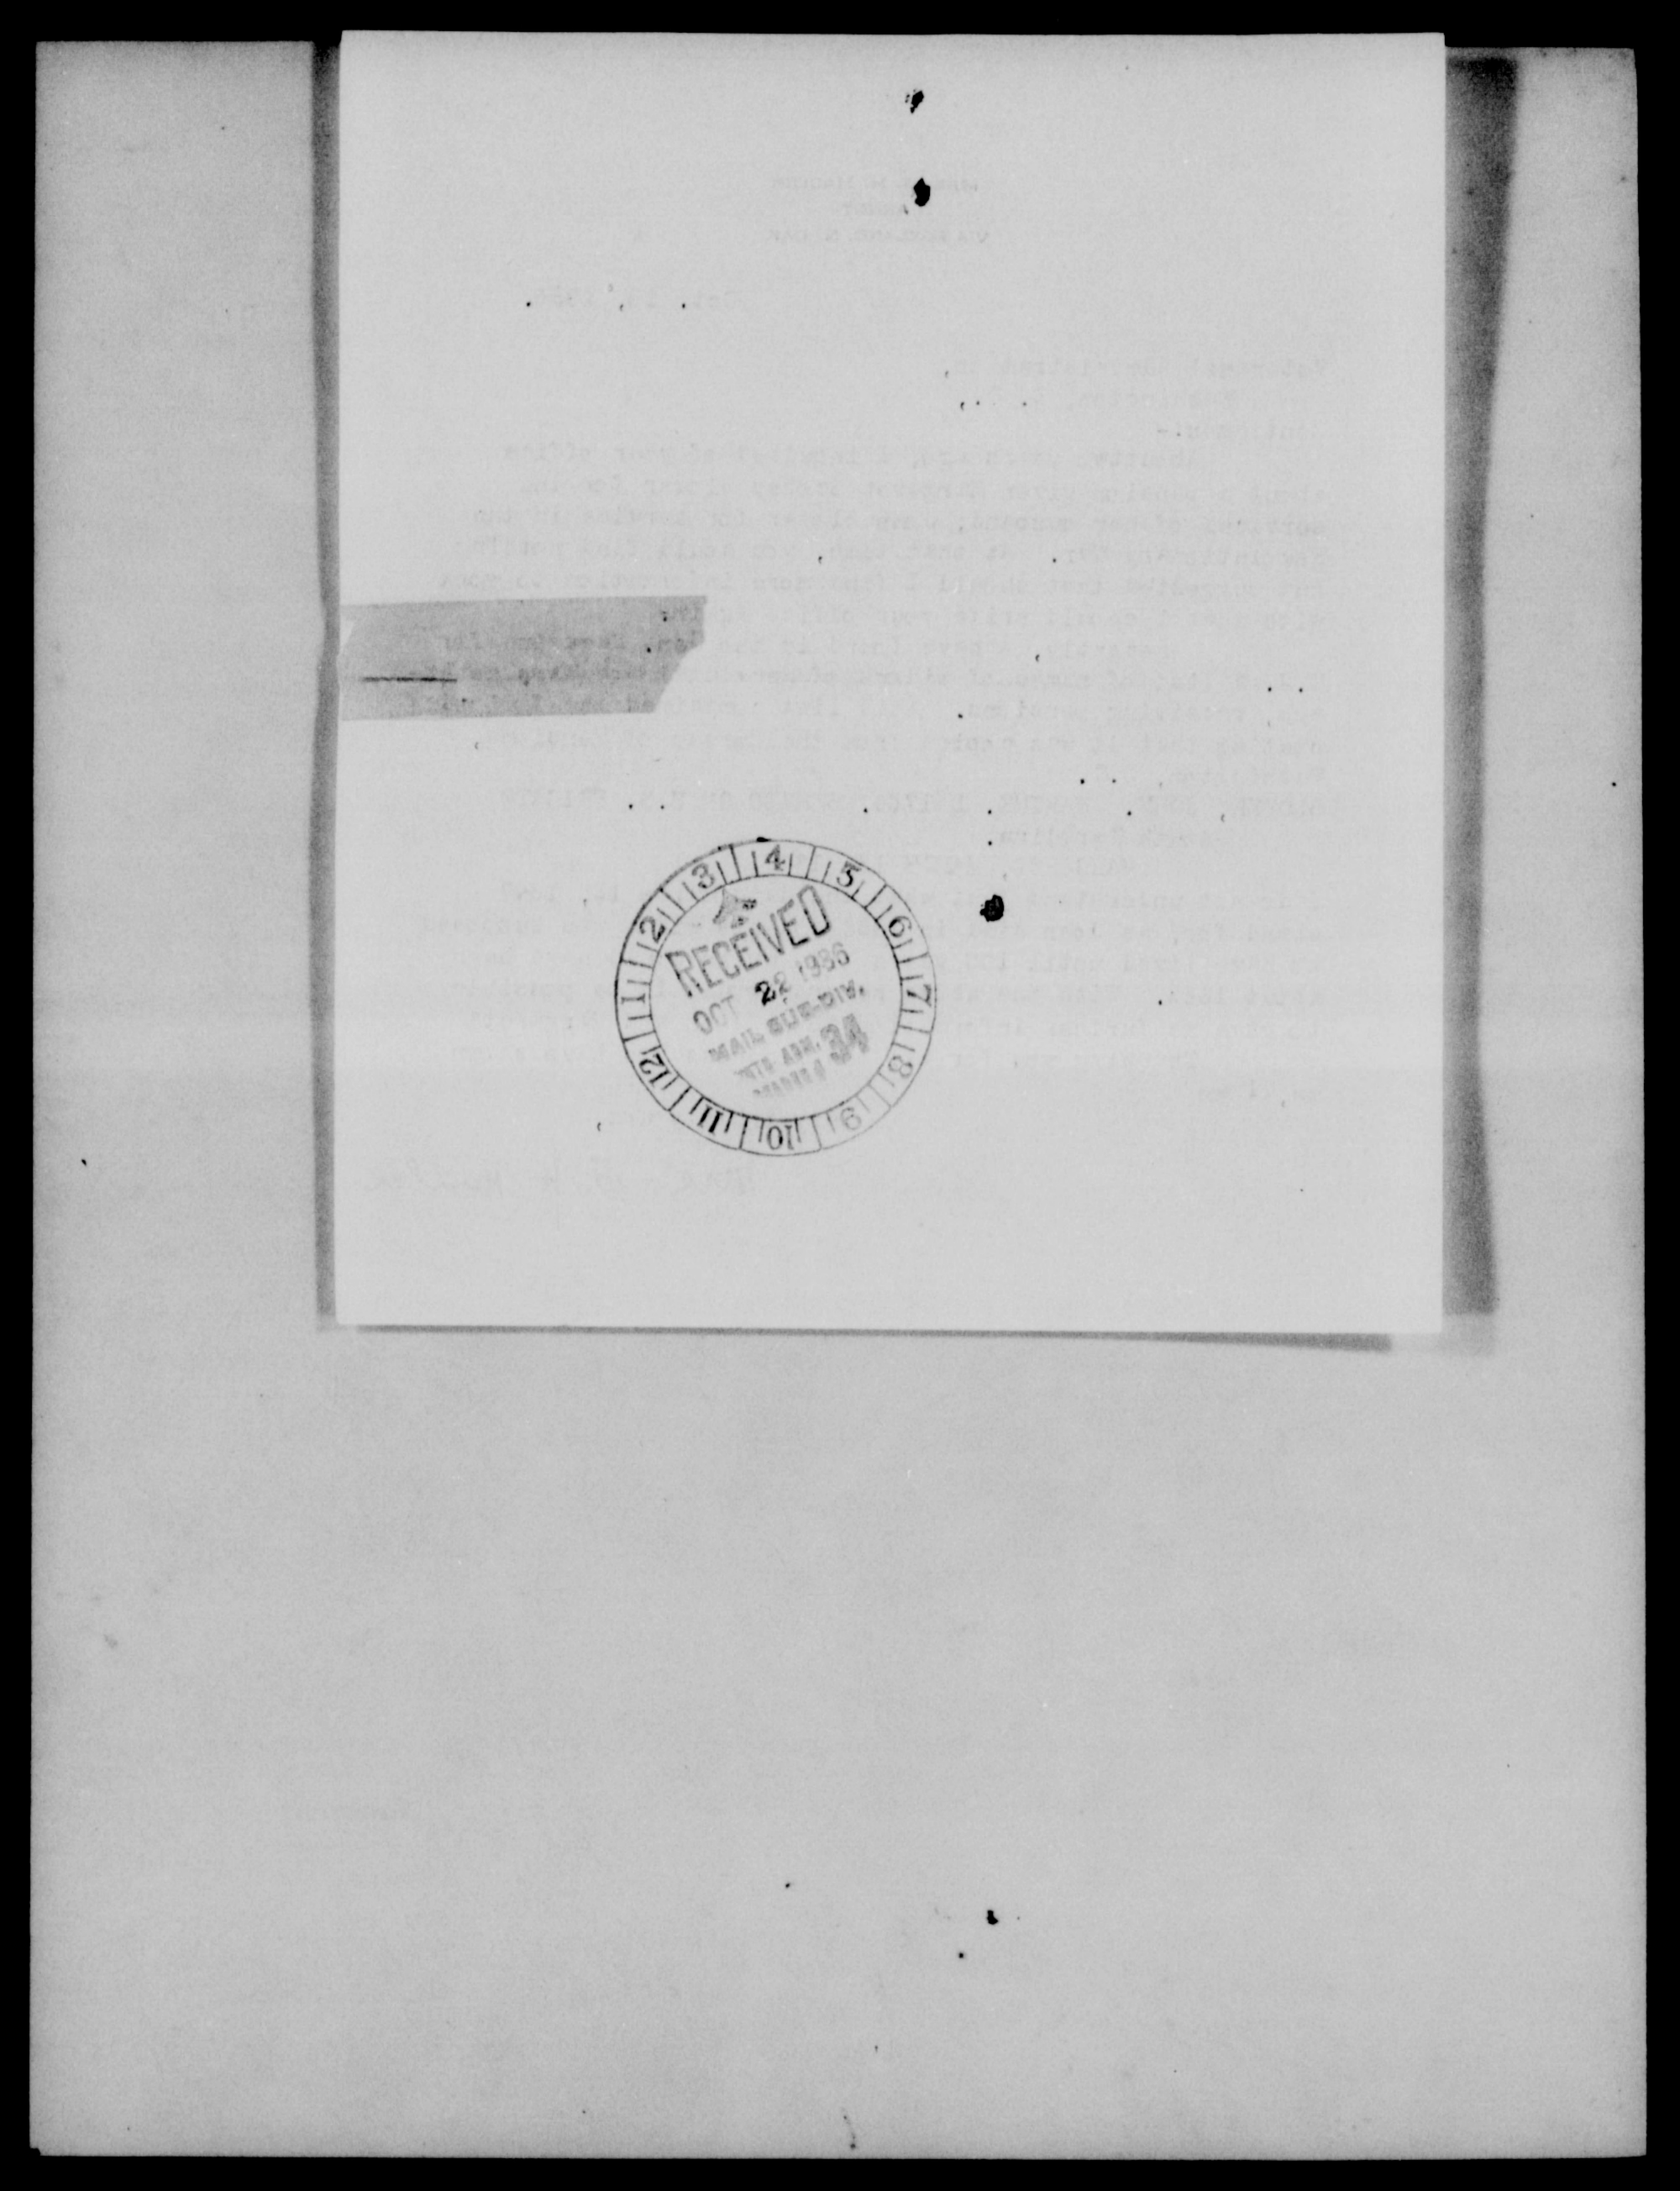RECEIVED OCT 22 1936
MAIL SUB-DIV
VETS ADM PERSON #34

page: 27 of 46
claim: widow's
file: W. 6205, for John Slover, New Jersey